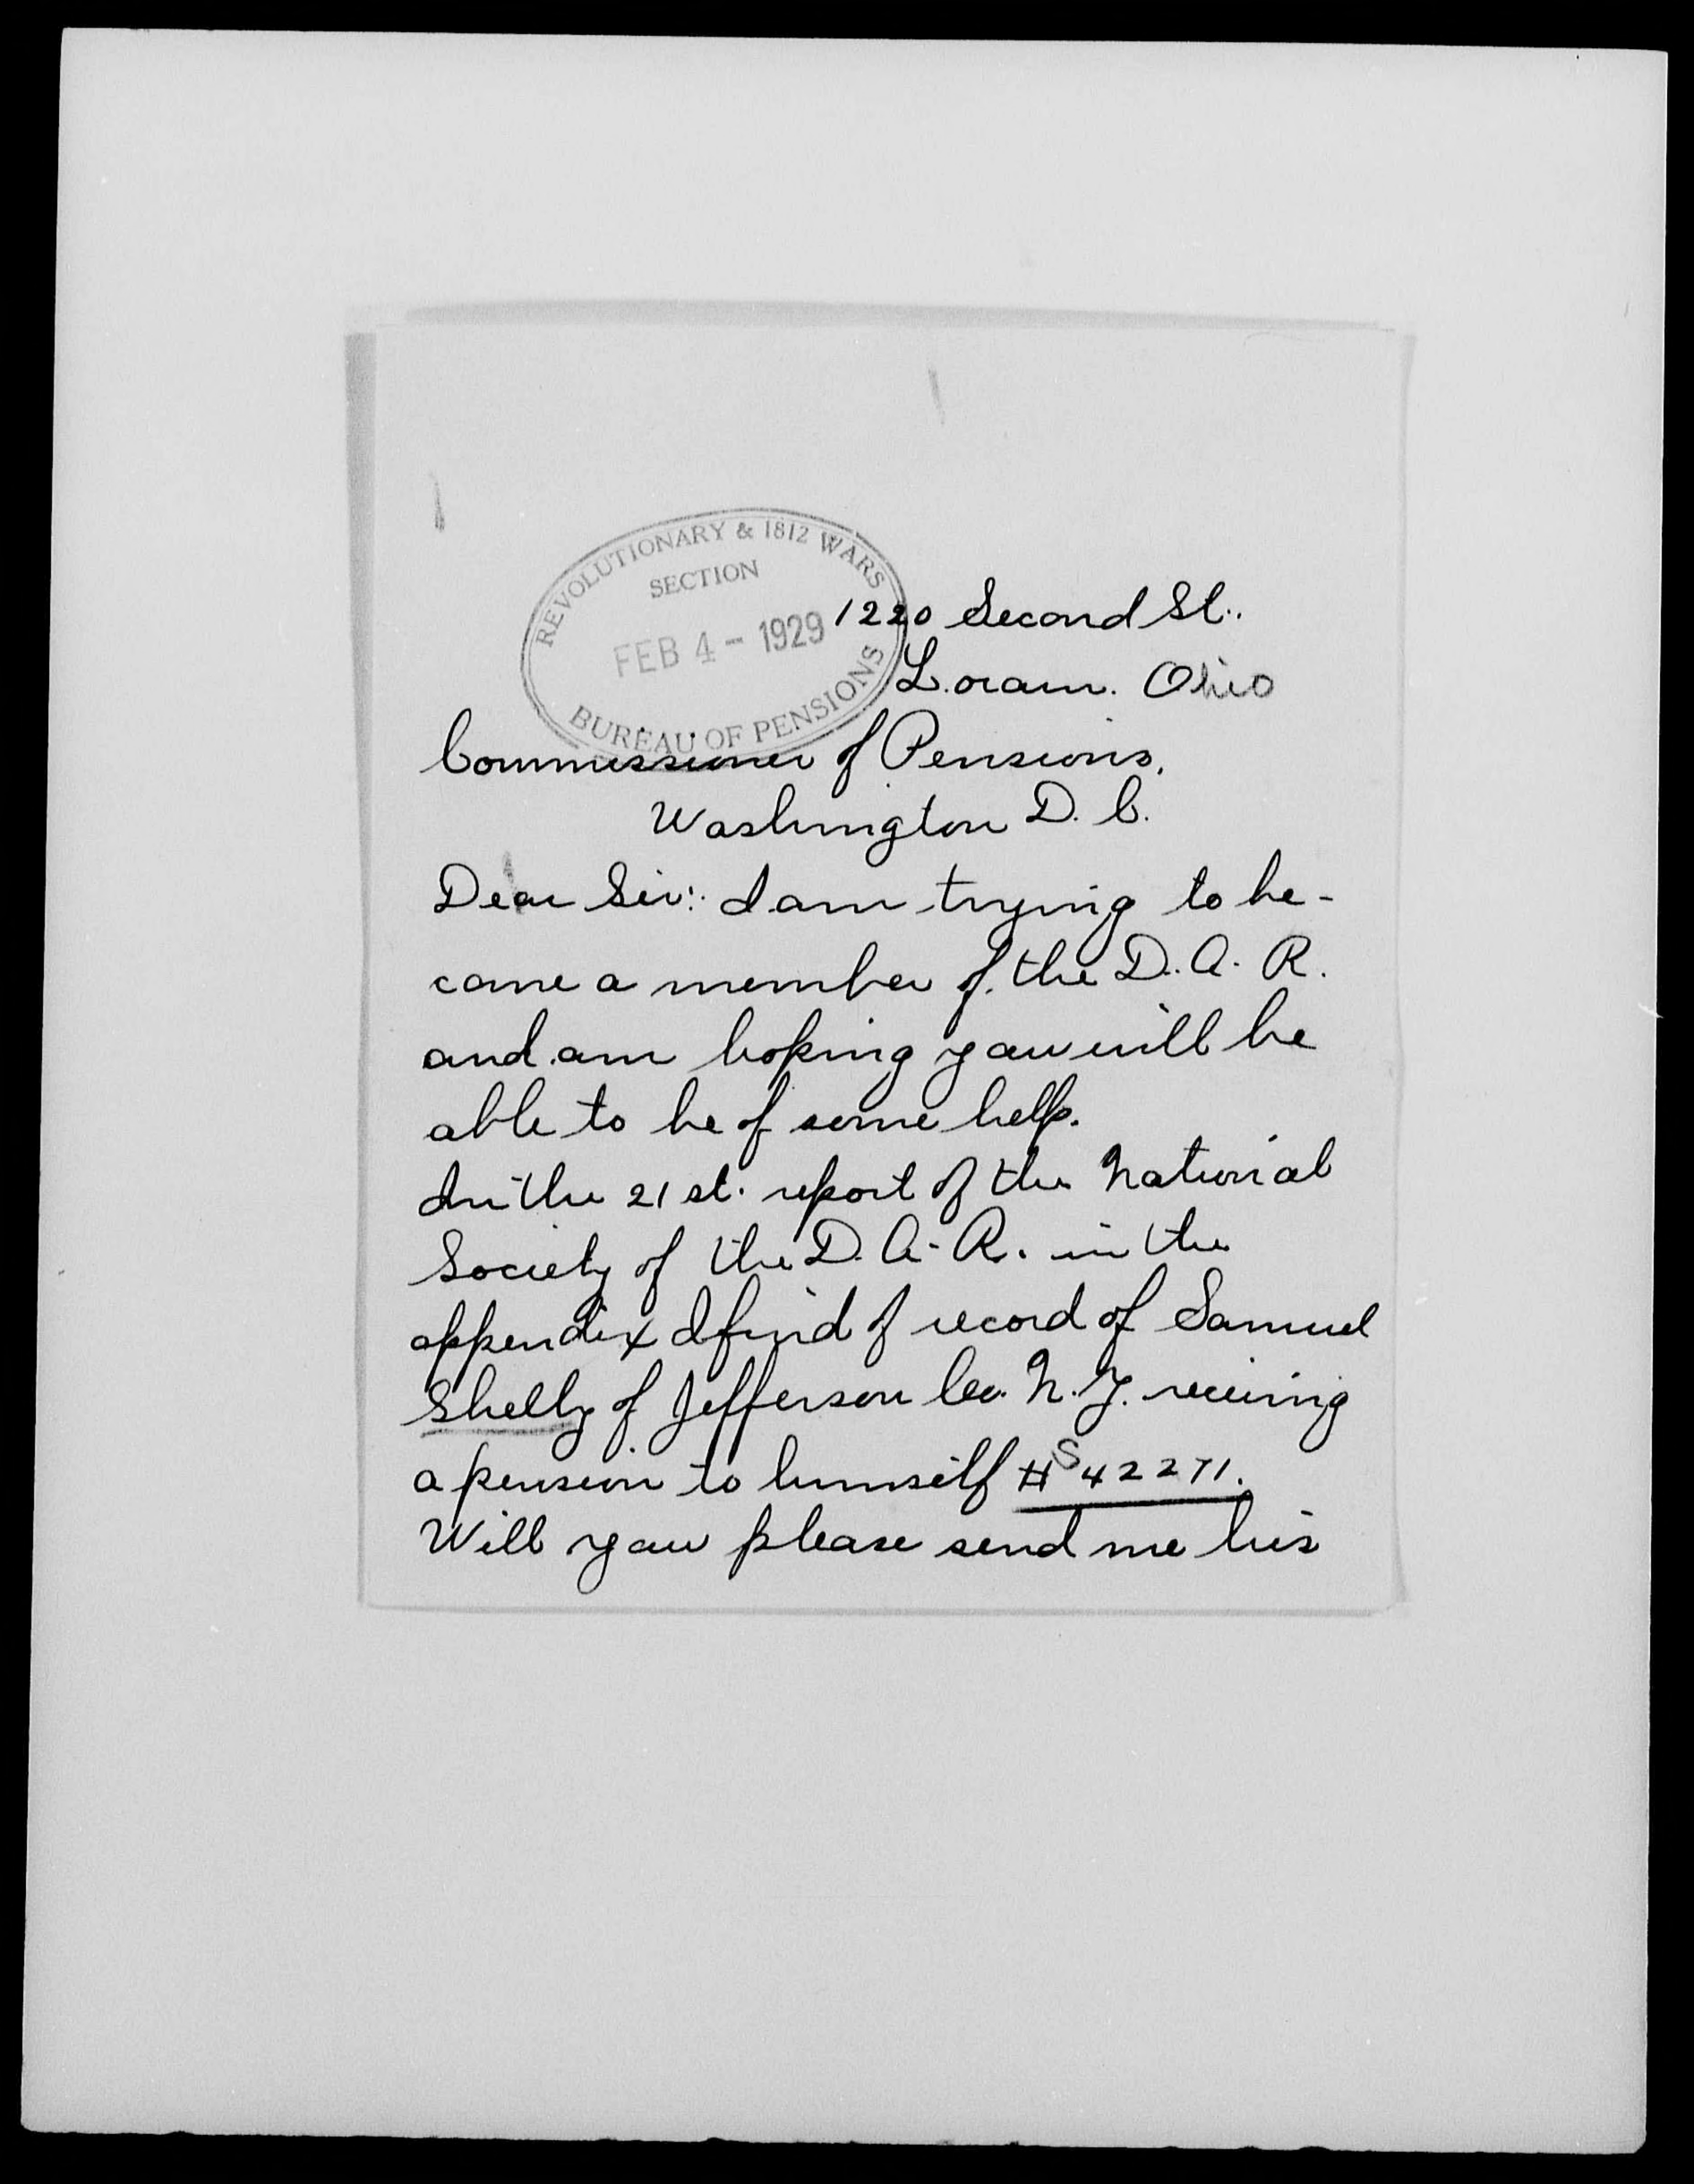[stamp at top of page]
Revolutionary & 1812 Wars Section
Feb 4 – 1929
Bureau of Pensions
[end of stamp]

[handwritten]
1220 Second St.
Lorain, Ohio
Commissioner of Pensions.
Washington D.C.
Dear Sir: I am trying to become a member of the D.A.R. and am hoping you will be able to be of some help. In the 21st report of the National Society of the D.A.R. in the appendix I find of record of Samuel Shelby of Jefferson Co. N.Y. receiving a pension to himself #S42271. Will you please send me his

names: Samuel Shelly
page: 46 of 51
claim: widow's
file: W. 23816, Oliver Clark, Conn.